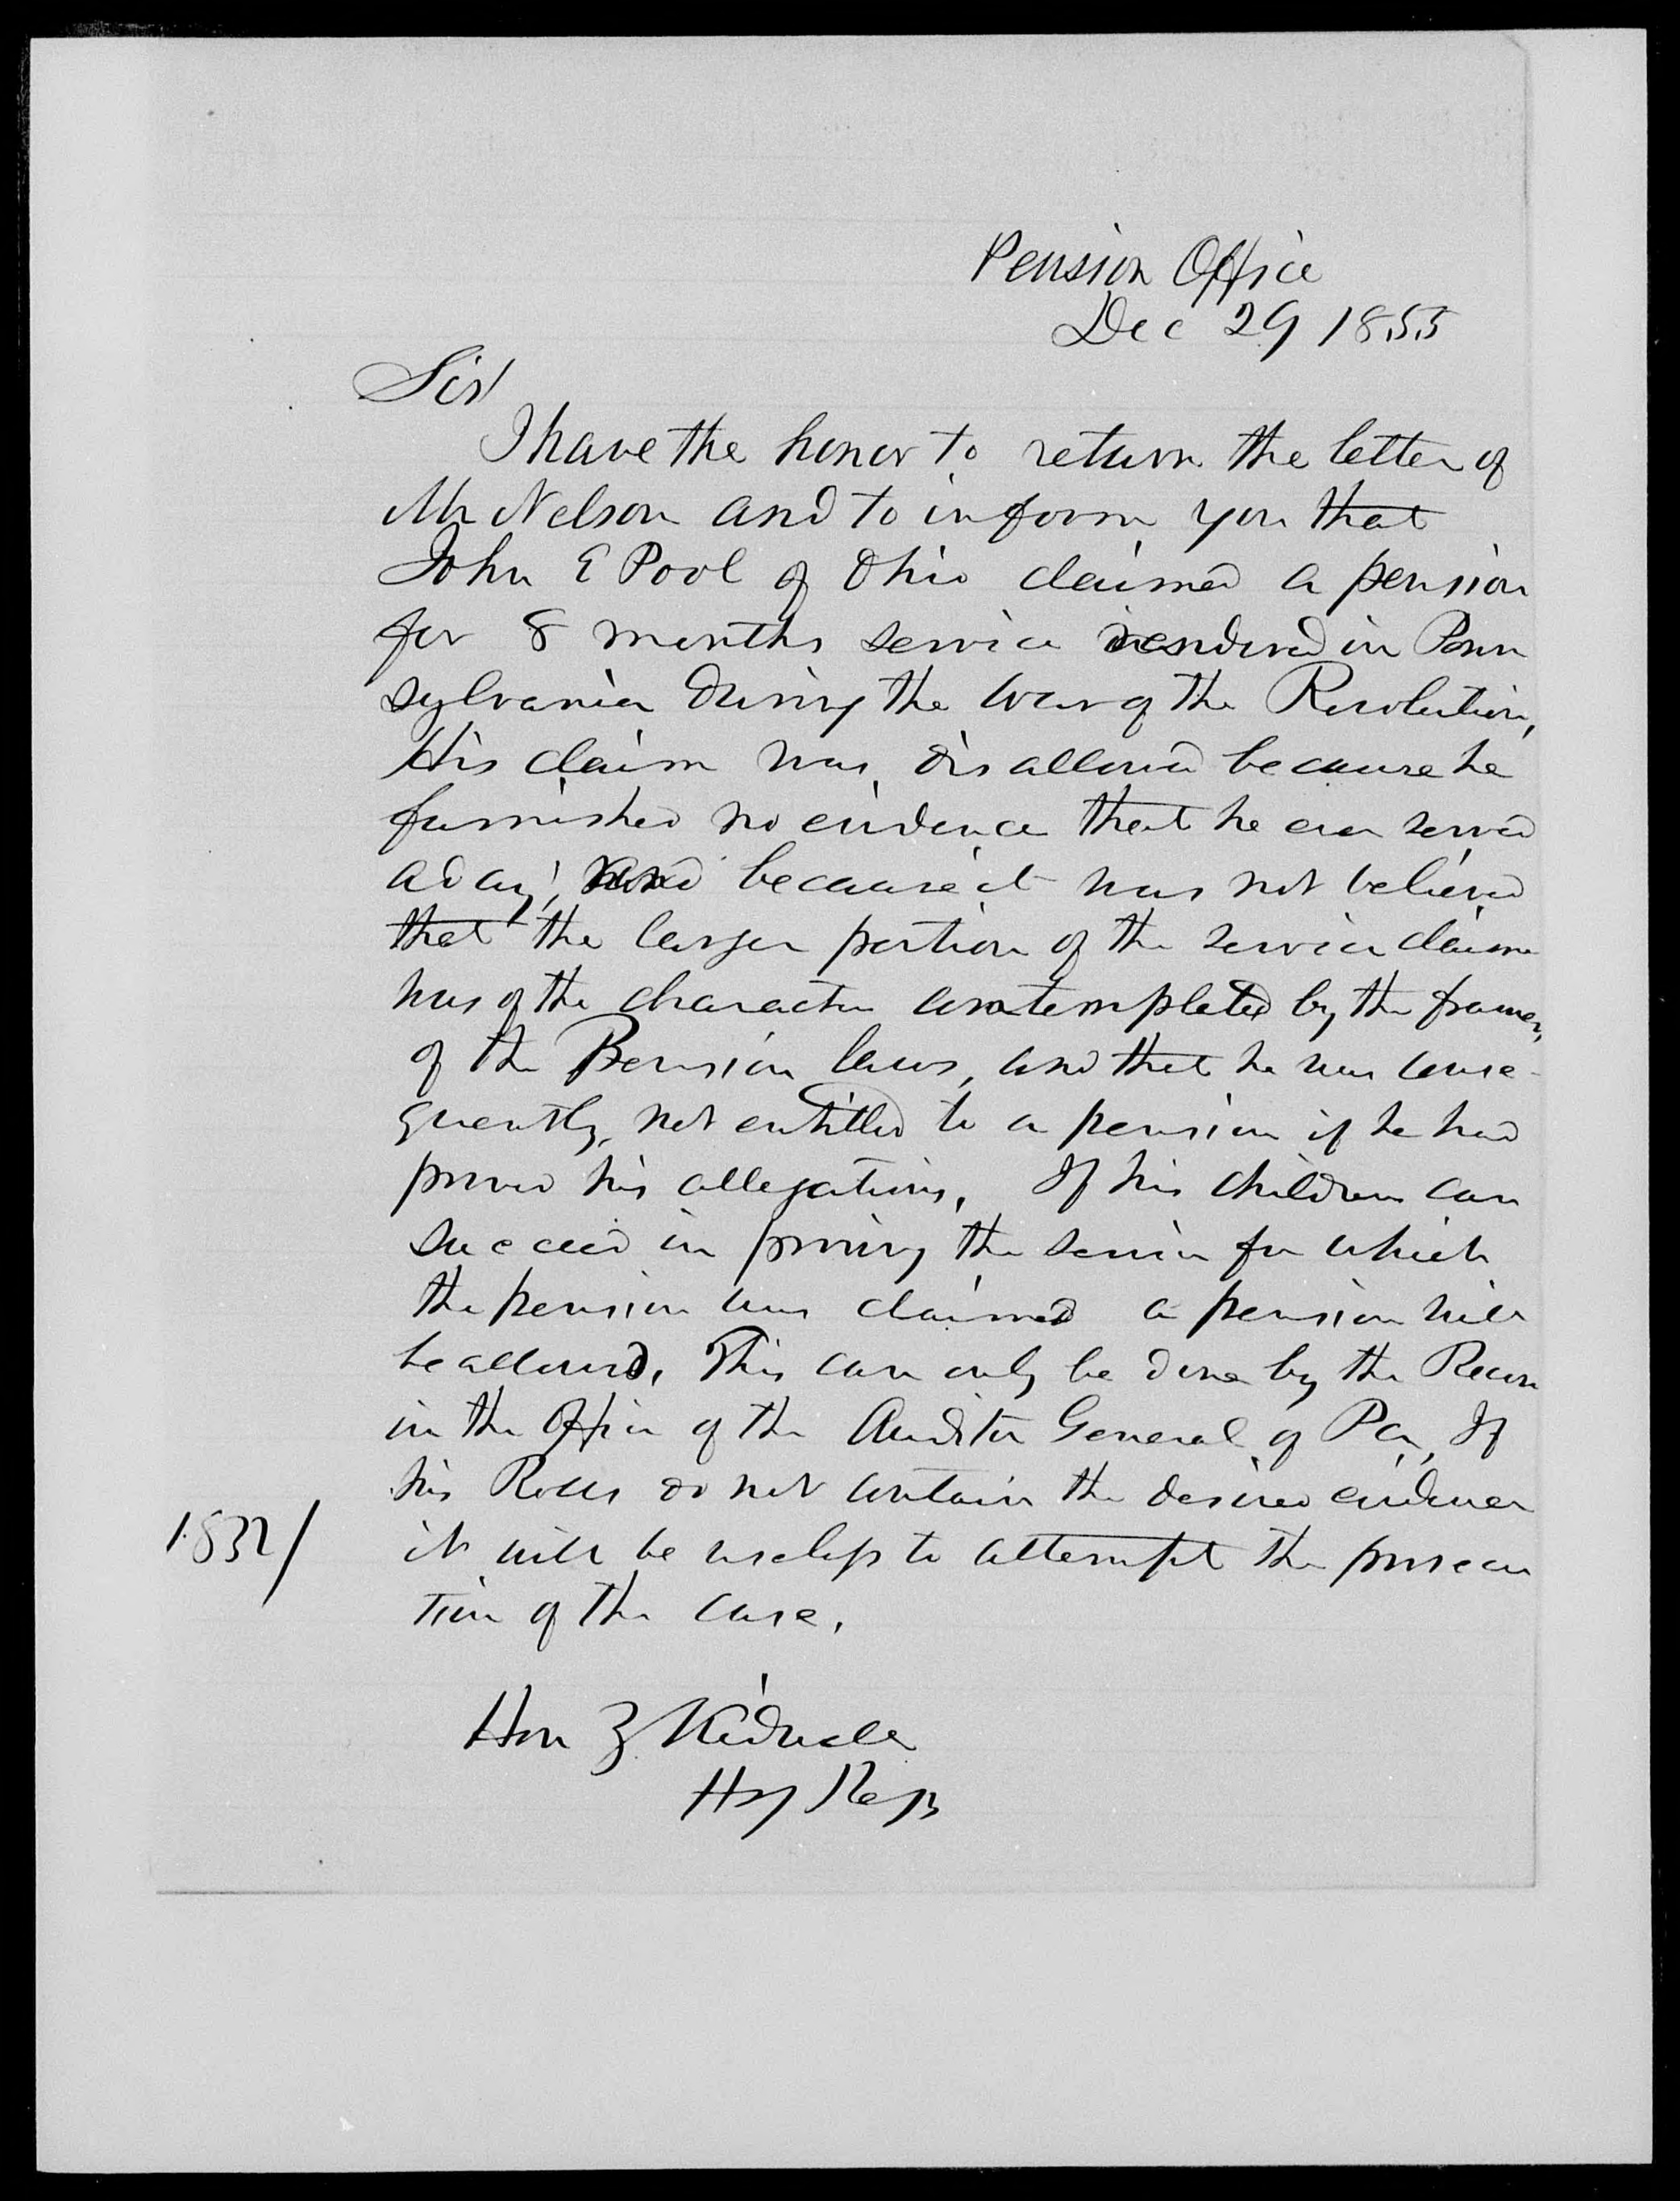Pension Office
Dec 29 1855

Sir
I have the honor to return the letter of Mr. Nelson and to inform you that John E Pool of Ohio claimed a pension for 8 months service residing in Pennsylvania during the length of the Revolution.  His claim was disallowed because he furnished no evidence that he ever served a day, because it was not believed that the larger portion of the service claim was of the character contemplated by the framers of the Pension laws, and that he was ? seventy, not entitled to a pension if he has proven his allegations.  If his children can succeed in forming the service for which the pension was claimed a pension will be allowed.  This can only be done by the Record in the Office of the Register General of Pa.  If his Rolls or not contain the desired evidence it will be ? to attempt the processing of the case.
Hon Z. Kidwell
Hs Reps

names: M Nelson; John E Pool; Z Kidwell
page: 15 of 22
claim: rejected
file: R. 8,319, for John Engle Pool, Pennsylvania